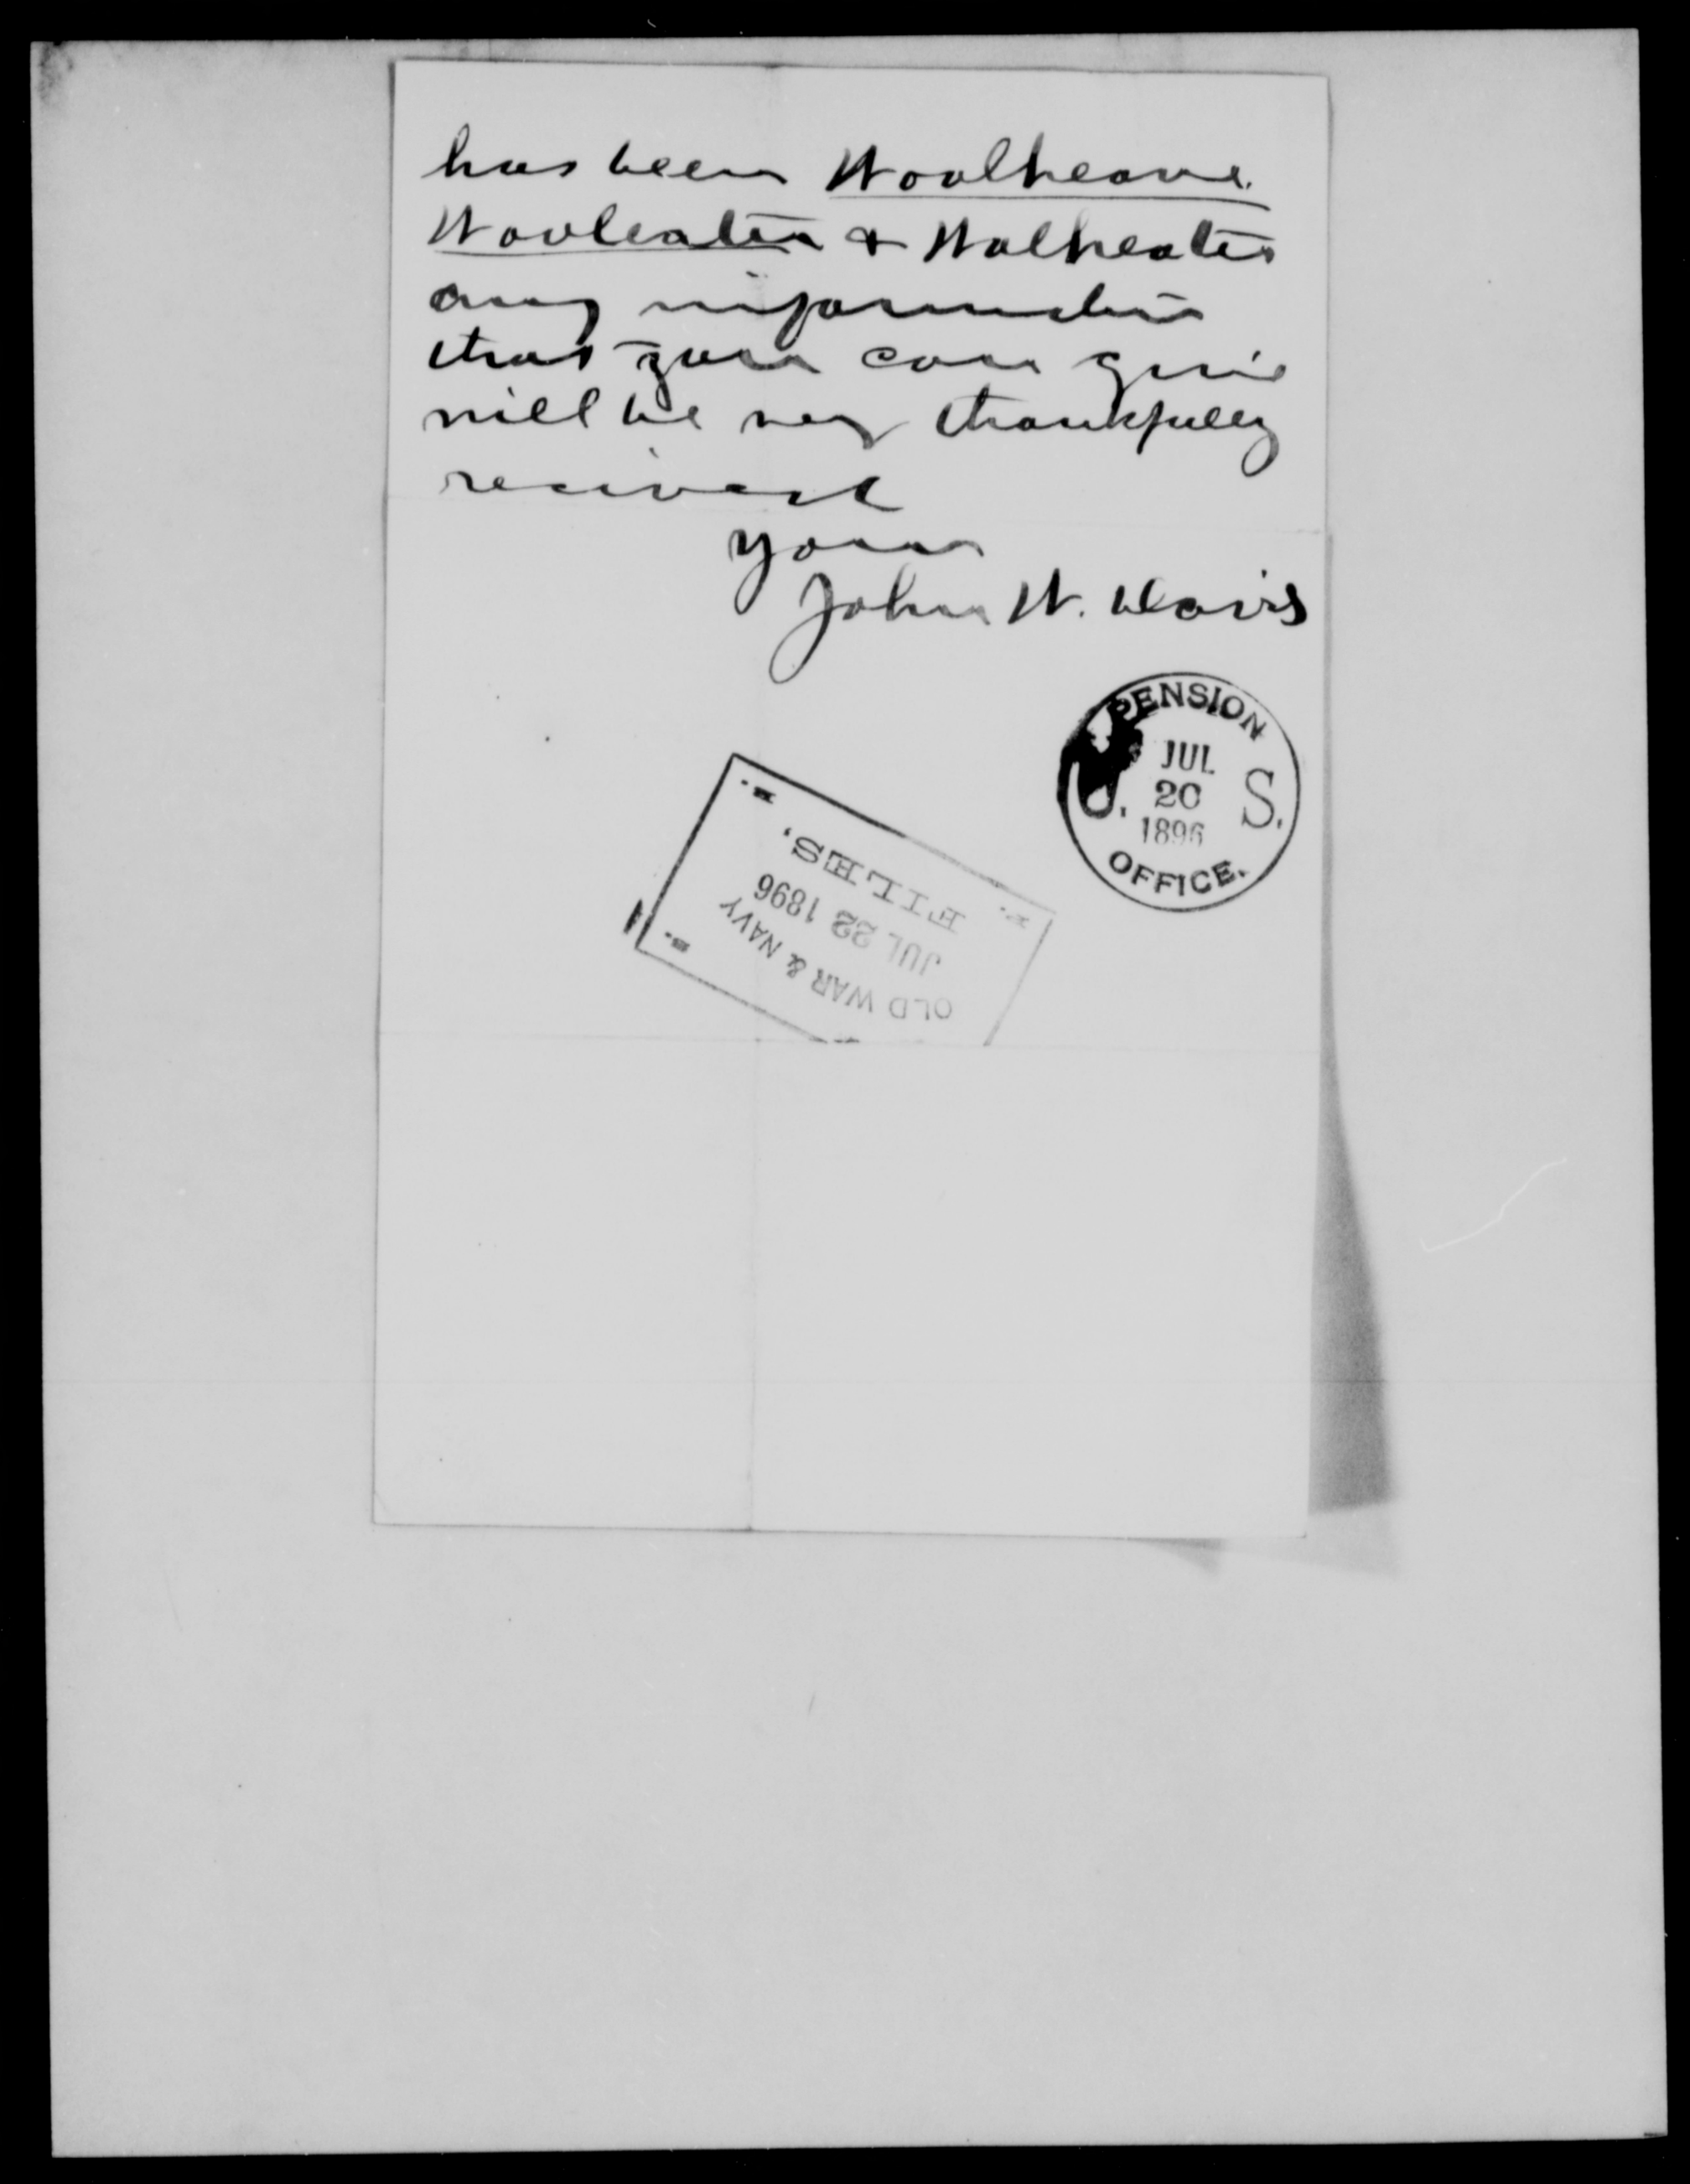has been Woolheaver,
Wooleater & Wolheater.
Any information
that you can give
will be thankfully
received
Yours
John W. Davis

[circle stamp]
PENSION OFFICE U S 
JULY 20 1896

[rectangle stamp]
OLD WAR & NAVY U S P O
JUL 22 1896
FILES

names: John W Davis, Wooleater, Woolheaver, Wolheater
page: 10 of 18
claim: rejected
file: R. 11854, Adam Woolheater, Md.